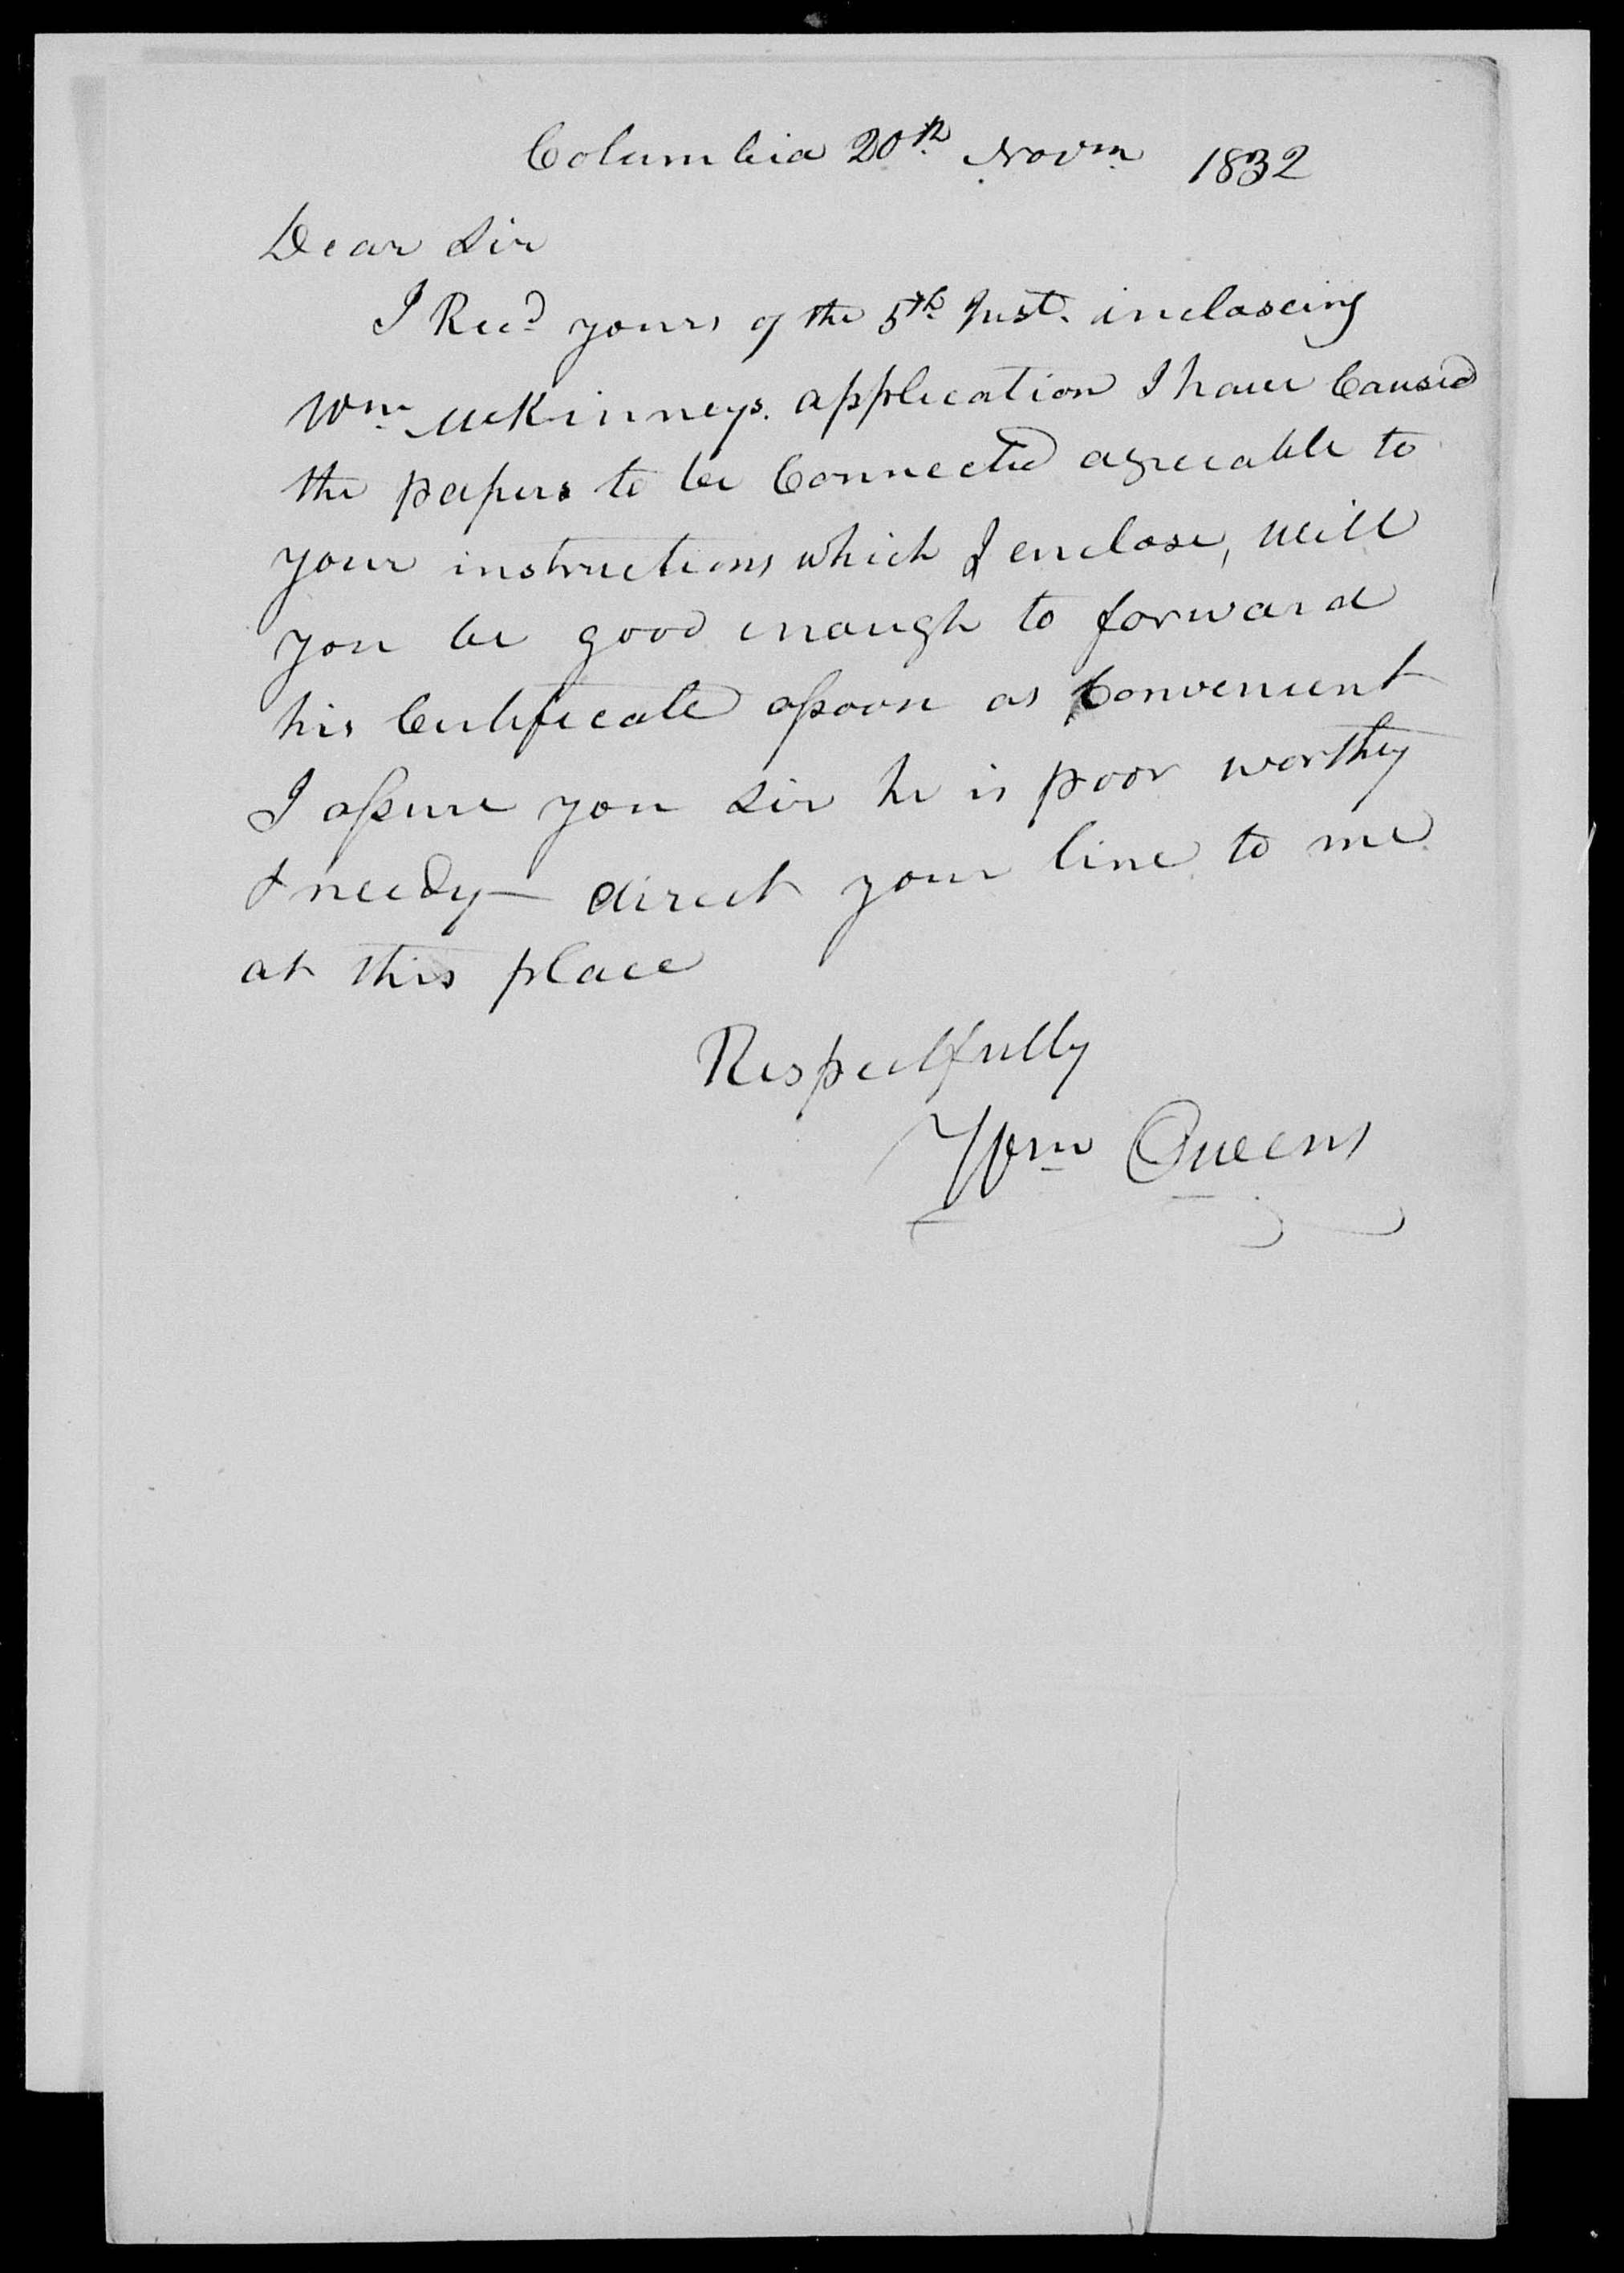Columbia 20th Nov. 1832
Dear Sir
I read yours of the 5th Just inclosing Wm. Mckinneys application I have caused the papers to be Connected agreeable to your instructions which I enclose, will you  be good enough to forward his Certificate as soon as Convenient I assure you sir he is poor worthy & needy- direct your line to me at this place
Respectfully
Wm Owens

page: 13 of 28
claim: survivor's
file: S. 16,470, for William Mc Kinney, Georgia